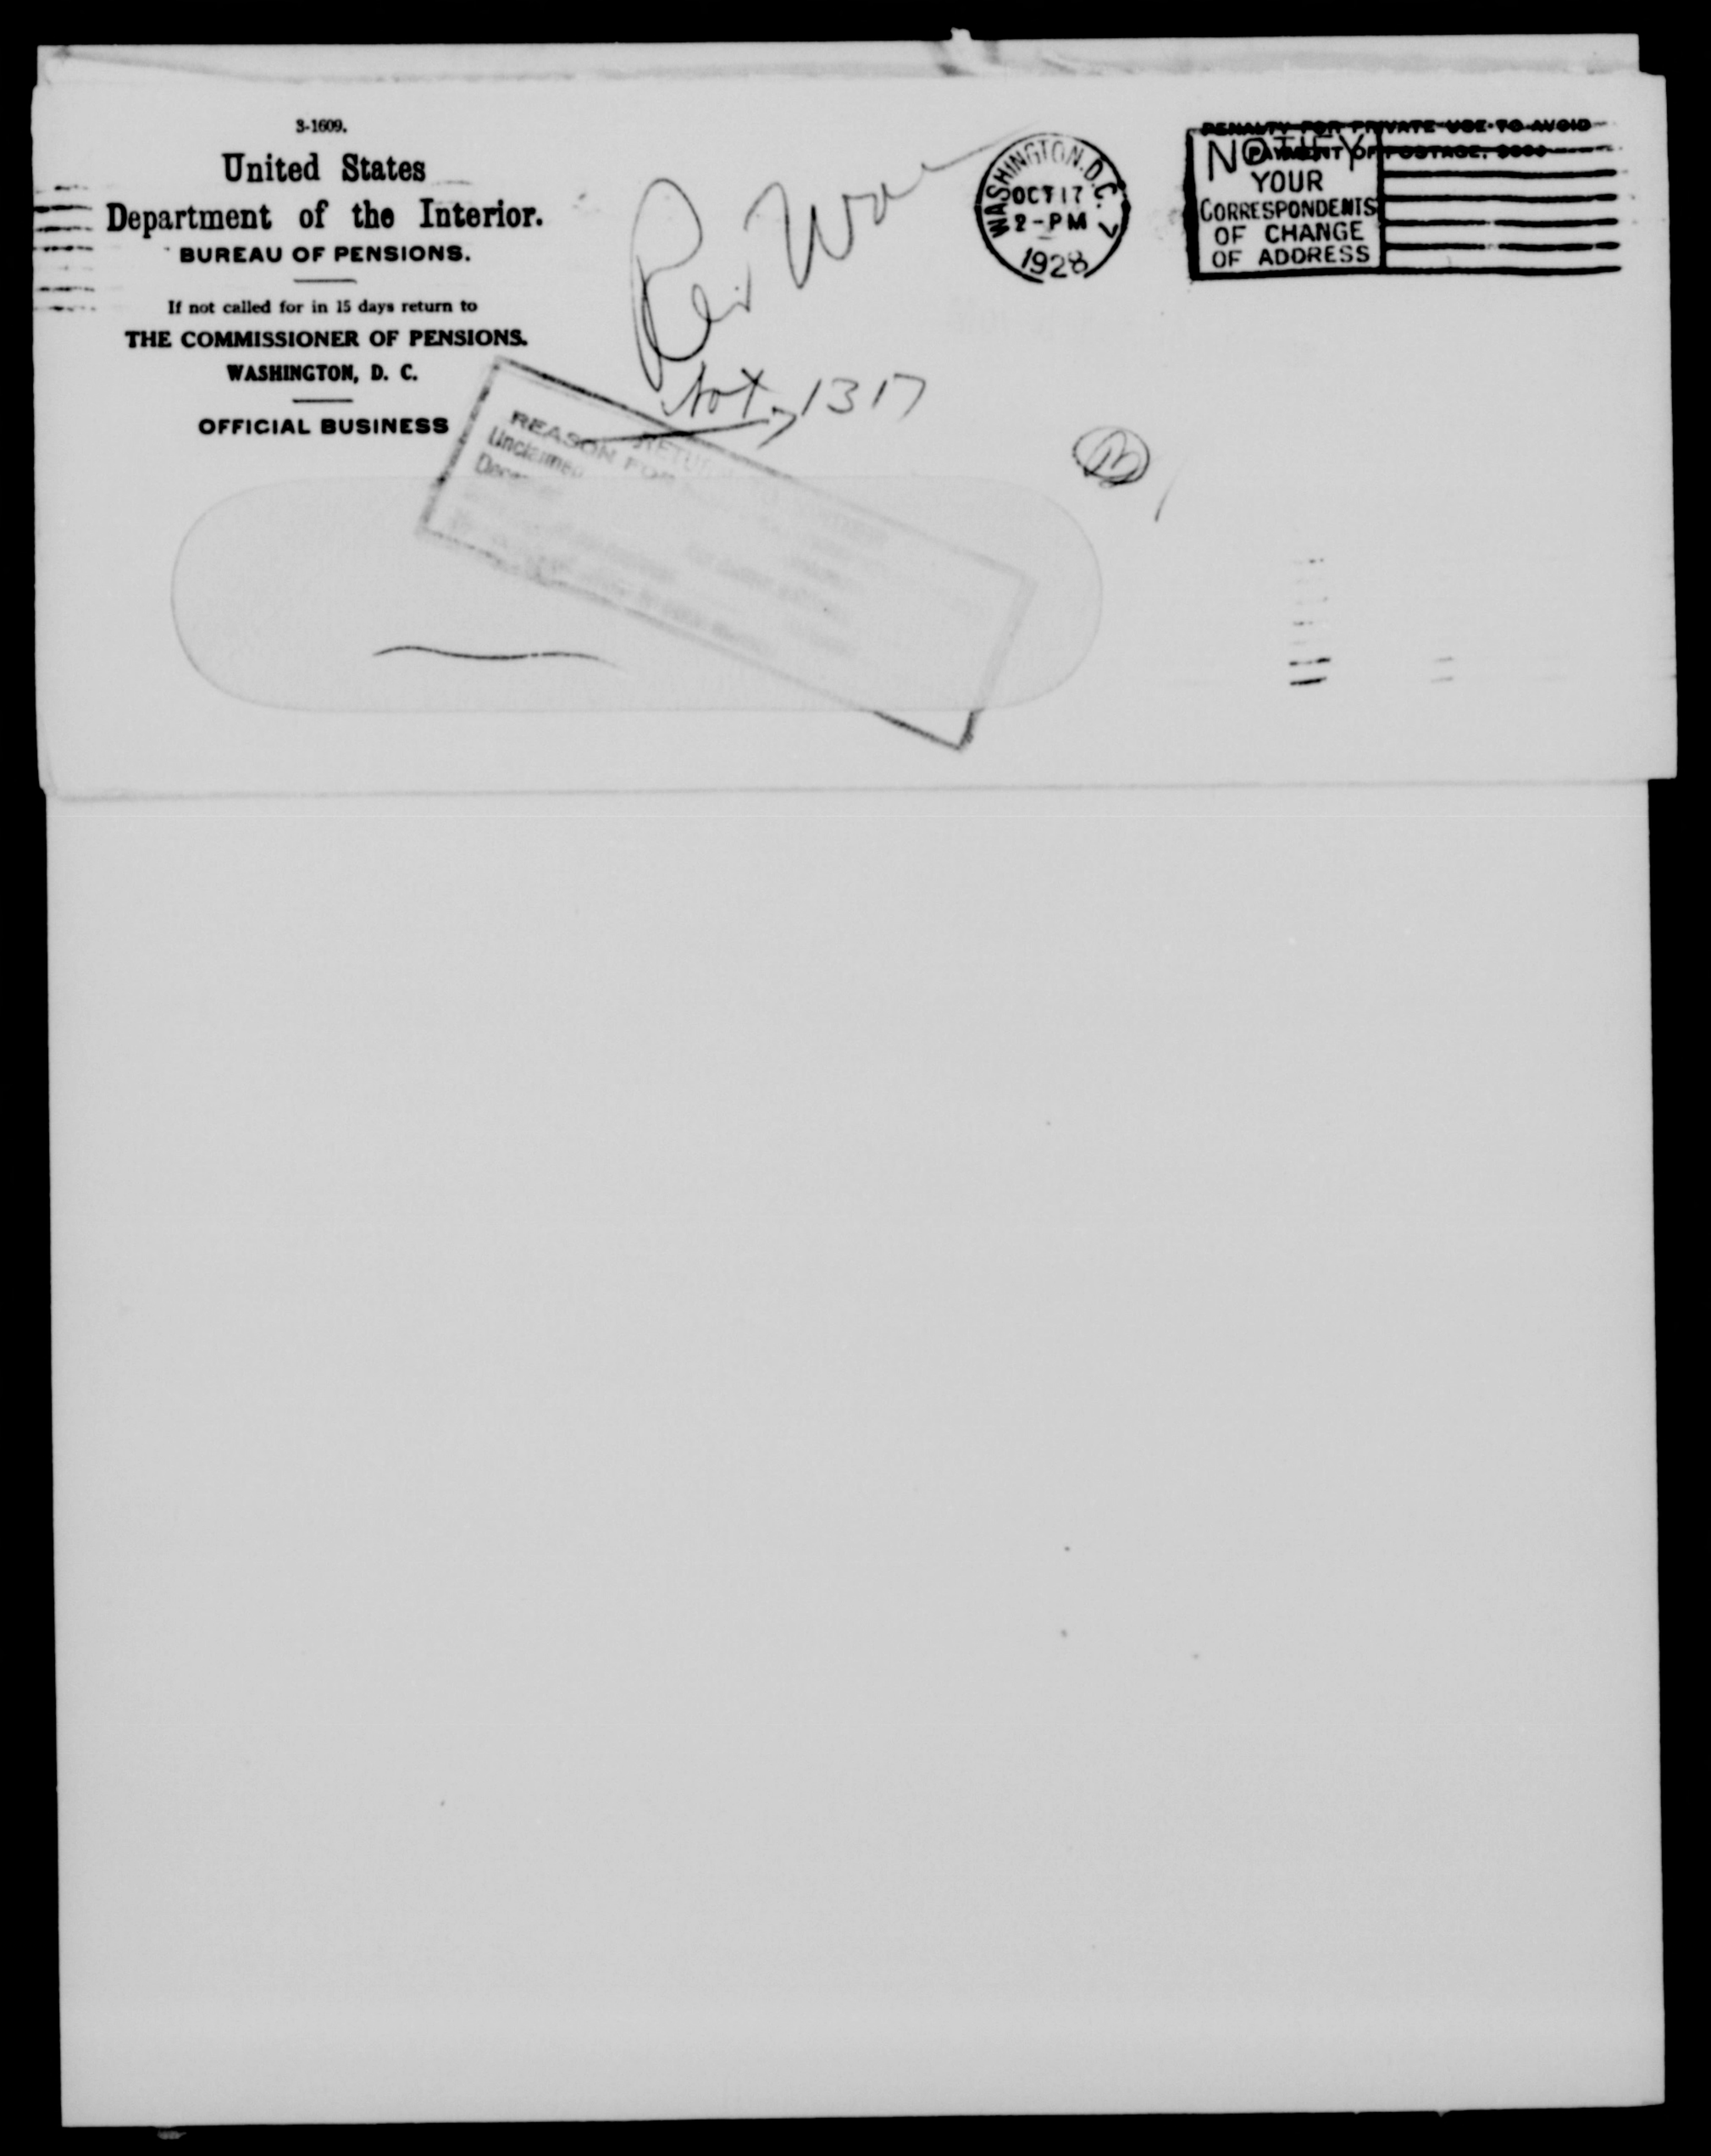Envelope Return Address:
3-1609.
United States 
Department of the Interior.
Bureau of Pensions
-----
If not called for in 15 days return to 
The Commissioner of Pensions.
Washington, D.C.
--------
Official Business


Returned 
Not 1317

{Stamp} 
Returned to sender
Reason for return
Unclaimed
[illegible] 

{Postage marking}
Washington D.C.  7
October 17
2-PM
1928
Notify your correspondents of change of address.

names: [BLANK]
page: 18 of 70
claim: rejected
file: R. 10,026, for Ephraim Squier, Connecticut